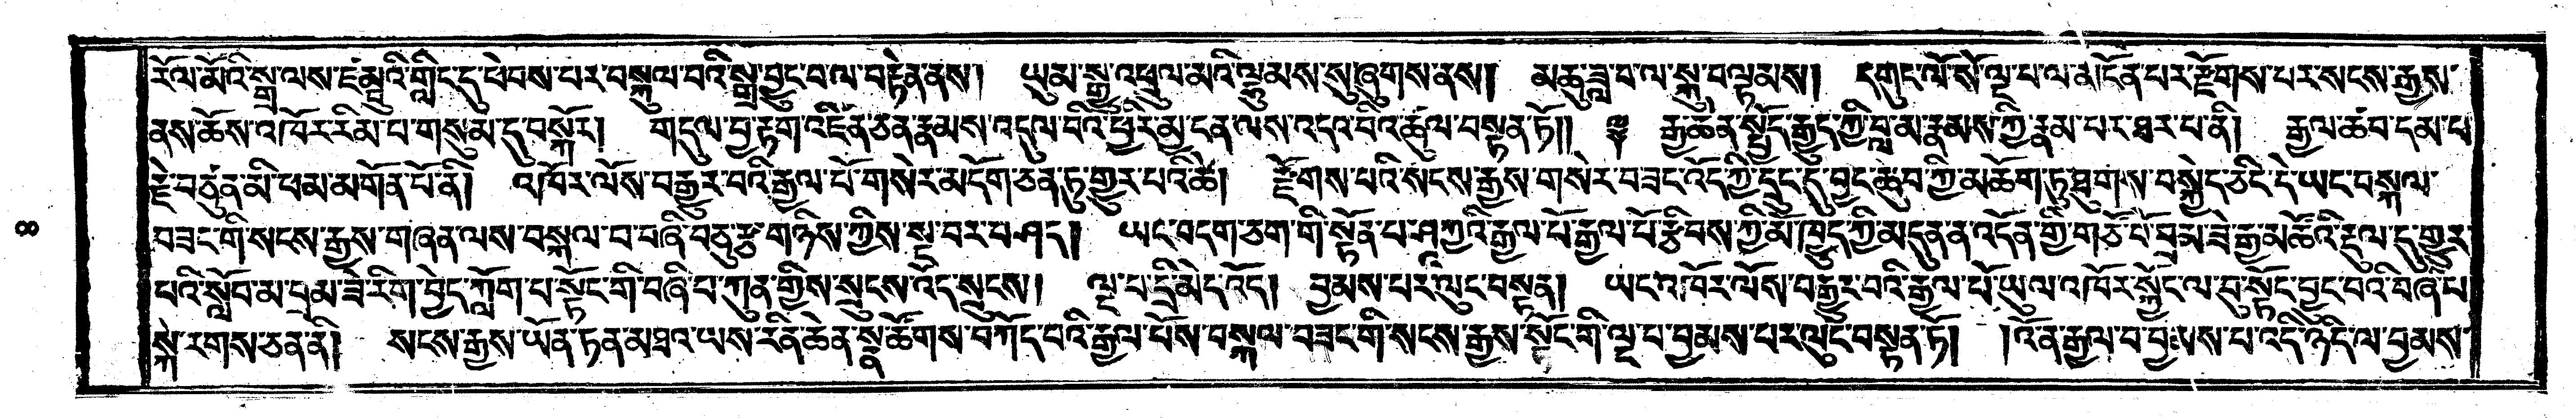རོལ་མོའི་སྒྲ་ལས་ཛམ་བུའི་གླིང་དུ་ཕེབས་པར་བསྐུལ་བའི་སྒྲ་བྱུང་བ་ལ་བརྟེན་ནས། ཡུམ་སྒྱུ་འཕྲུལ་མའི་ལྷུམས་སུ་ཞུགས་ནས། མཆུ་ཟླ་བ་ལ་སྐུ་བལྟམས། དགུང་ལོ་སོ་ལྔ་པ་ལ་མངོན་པར་རྫོགས་པར་སངས་རྒྱས་
ནས་ཆོས་འཁོར་རིམ་པ་གསུམ་དུ་བསྐོར། གདུལ་བྱ་རྟག་འཛིན་ཅན་རྣམས་འདུལ་བའི་ཕྱིར་མྱ་ངན་ལས་འདའ་བའི་ཚུལ་བསྟན་ཏོ།། ༈ རྒྱ་ཆེན་སྤྱོད་རྒྱུད་ཀྱི་བླ་མ་རྣམས་ཀྱི་རྣམ་པར་ཐར་པ་ནི། རྒྱལ་ཚབ་དམ་པ་
རྗེ་བཙུན་མི་ཕམ་མགོན་པོ་ནི། འཁོར་ལོས་བརྒྱུར་བའི་རྒྱལ་པོ་གསེར་མདོག་ཅན་ཏུ་གྱུར་པའི་ཚེ། རྫོགས་པའི་སངས་རྒྱས་གསེར་བཟང་འོད་ཀྱི་དྲུང་དུ་བྱང་ཆུབ་ཀྱི་མཆོག་ཏུ་ཐུགས་བསྐྱེད་ཅིང་དེ་ཡང་བསྐལ་
བཟང་གི་སངས་རྒྱས་གཞན་ལས་བསྐལ་བ་བཞི་བཅུ་རྩ་གཉིས་ཀྱིས་སྔ་བར་བཤད། ཡང་བདག་ཅག་གི་སྟོན་པ་ཤའྐྱའི་རྒྱལ་པོ་རྒྱལ་པོ་རྩིབས་ཀྱི་མོ་ཁྱུད་ཀྱི་མདུན་ན་འདོན་གྱི་གཙོ་བོ་བྲམ་ཟེ་རྒྱ་མཚོའི་རྡུལ་དུ་གྱུར་
པའི་སློབ་མ་བྲམ་ཟེ་རིག་བྱེད་ཀློག་པ་སྟོང་གི་བཞི་པ་ཀུན་གྱིས་སྲུངས་འོད་སྲུངས། ལྔ་པ་དྲི་མེད་འོད། བྱམས་པར་ལུང་བསྟན། ཡང་འཁོར་ལོས་བརྒྱུར་བའི་རྒྱལ་པོ་ཡུལ་འཁོར་སྐྱོང་ལ་བུ་སྟོང་བྱུང་བའི་བཞི་པ་
སྐེ་རགས་ཅན་ནི། སངས་རྒྱས་ཡོན་ཏན་མཐའ་ཡས་རིན་ཆེན་སྣ་ཚོགས་བཀོད་པའི་རྒྱལ་པོས་བསྐལ་བཟང་གི་སངས་རྒྱས་སྟོང་གི་ལྔ་པ་བྱམས་པར་ལུང་བསྟན་ཏོ། །འོ་ན་རྒྱལ་བ་བྱམས་པ་འདི་ཉིད་ལ་བྱམས་